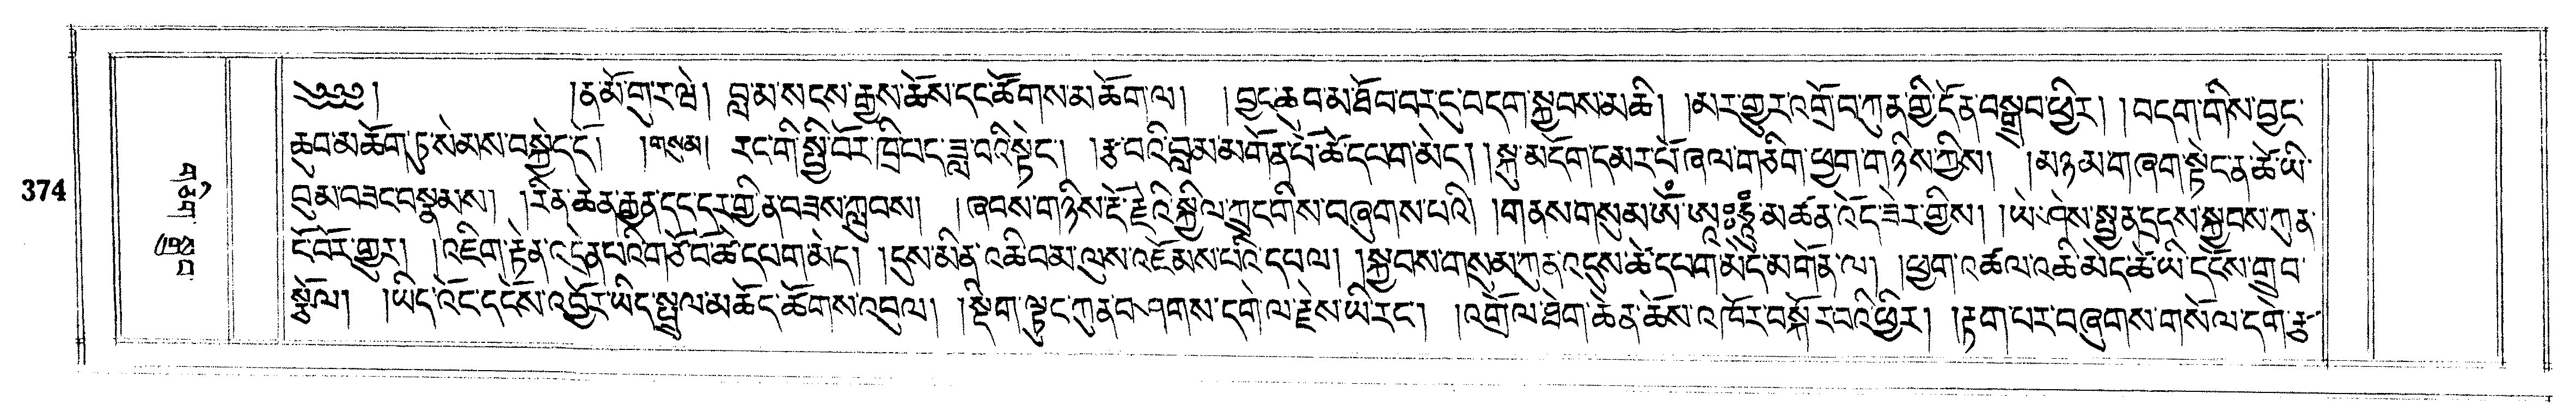༄༅༅། །ན་མོ་གུ་ར་ཝེ། བླ་མ་སངས་རྒྱས་ཆོས་དང་ཚོགས་མཆོག་ལ། །བྱང་ཆུབ་མ་ཐོབ་བར་དུ་བདག་སྐྱབས་མཆི། །མར་གྱུར་འགྲོ་བ་ཀུན་གྱི་དོན་བསྒྲུབ་ཕྱིར། །བདག་གིས་བྱང་
ཆུབ་མཆོག་ཏུ་སེམས་བསྐྱེད་དོ། །གསུམ། རང་གི་སྤྱི་བོར་ཁྲི་པད་ཟླ་བའི་སྟེང་། །རྩ་བའི་བླ་མ་མགོན་པོ་ཚེ་དཔག་མེད། །སྐུ་མདོག་དམར་པོ་ཞལ་གཅིག་ཕྱག་གཉིས་ཀྱིས། །མཉམ་གཞག་སྟེང་ན་ཚེ་ཡི་
བུམ་བཟང་བསྣམས། །རིན་ཆེན་རྒྱན་དང་དར་གྱི་ན་བཟས་ཀླུབས། །ཞབས་གཉིས་རྡོ་རྗེའི་སྐྱིལ་ཀྲུང་གིས་བཞུགས་པའི། །གནས་གསུམ་ཨོཾ་ཨཱཿ ཧཱུཾ་མཚན་འོད་ཟེར་གྱིས། །ཡེ་ཤེས་སྤྱན་དྲངས་སྐྱབས་ཀུན་
ངོ་བོར་གྱུར། །འཇིག་རྟེན་འདྲེན་པའི་གཙོ་བོ་ཚེ་དཔག་མེད། །དུས་མིན་འཆི་བ་མ་ལུས་འཇོམས་པའི་དཔལ། །སྐྱབས་གསུམ་ཀུན་འདུས་ཚེ་དཔག་མེད་མགོན་ལ། །ཕྱག་འཚལ་འཆི་མེད་ཚེ་ཡི་དངོས་གྲུབ་
སྩོལ། །ཡིད་འོང་དངོས་འབྱོར་ཡིད་སྤྲུལ་མཆོད་ཚོགས་འབུལ། །སྡིག་ལྟུང་ཀུན་བཤགས་དགེ་ལ་རྗེས་ཡི་རང་། །འགྲོ་ལ་ཐེག་ཆེན་ཆོས་འཁོར་བསྐོར་བའི་ཕྱིར། །རྟག་པར་བཞུགས་གསོལ་དགེ་རྩ་